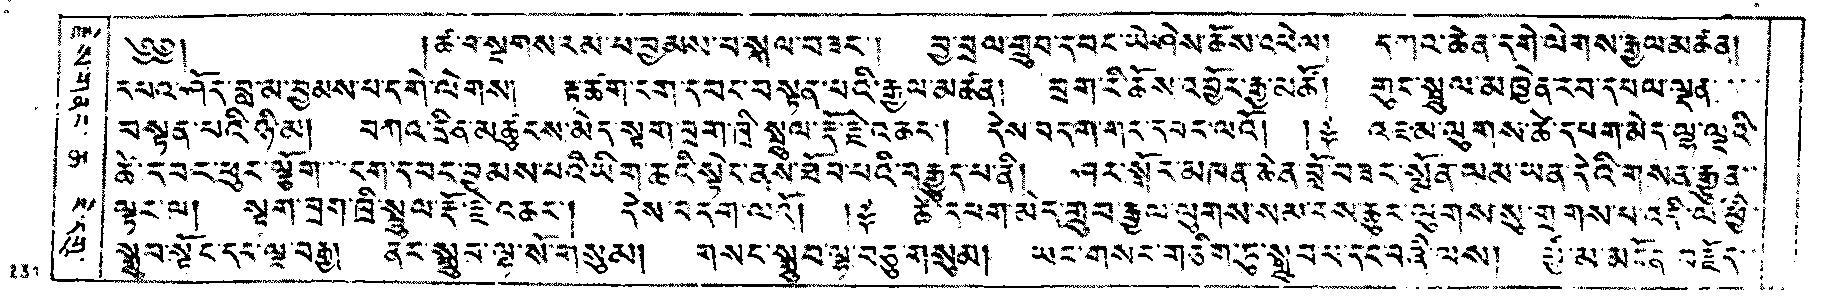༄༅། །ཚ་བ་སྔགས་རམ་པ་བྱམས་པ་སྐལ་བཟང་། བྱ་བྲལ་གྲུབ་དབང་ཡེ་ཤེས་ཆོས་འཕེལ། དཀའ་ཆེན་དགེ་ལེགས་རྒྱལ་མཚན།
དཔའ་ཤོད་བླ་མ་བྱམས་པ་དགེ་ལེགས། རྟ་ཚག་ངག་དབང་བསྟན་པའི་རྒྱལ་མཚན། བྲག་རི་ཆོས་འབྱོར་རྒྱ་མཚོ། གུང་སྤྲུལ་མཁྱེན་རབ་དཔལ་ལྡན་
བསྟན་པའི་ཉི་མ། བཀའ་དྲིན་མཚུངས་མེད་སྟག་བྲག་ཁྲི་སྤྲུལ་རྡོ་རྗེ་འཆང་། དེས་བདག་གར་དབང་ལའོ། །༈ འཇམ་ལུགས་ཚེ་དཔག་མེད་ལྷ་ལྔའི་
ཚེ་དབང་ཕུར་ལྕོག་ངག་དབང་བྱམས་པའི་ཡིག་ཆའི་སྟེང་ནས་ཐོབ་པའི་བརྒྱུད་པ་ནི། ཤར་སྒོར་མཁན་ཆེན་བློ་བཟང་སྨོན་ལམ་ཡན་དེའི་གསན་རྒྱུན་
ལྟར་ལ། སྟག་བྲག་ཁྲི་སྤྲུལ་རྡོ་རྗེ་འཆང་། དེས་བདག་ལའོ། ། ༈ ཚེ་དཔག་མེད་གྲུབ་རྒྱལ་ལུགས་སམ་རས་ཆུང་ལུགས་སུ་གྲགས་པ་འདི་ལ་ཕྱི་
སྒྲུབ་སྟོང་དང་ལྔ་བརྒྱ། ནང་སྒྲུབ་ལྷ་སོ་གསུམ། གསང་སྒྲུབ་ལྷ་བཅུ་གསུམ། ཡང་གསང་གཅིག་ཏུ་སྒྲུབ་པ་དང་བཞི་ལས། ཕྱི་མ་མངོན་བརྗོད་